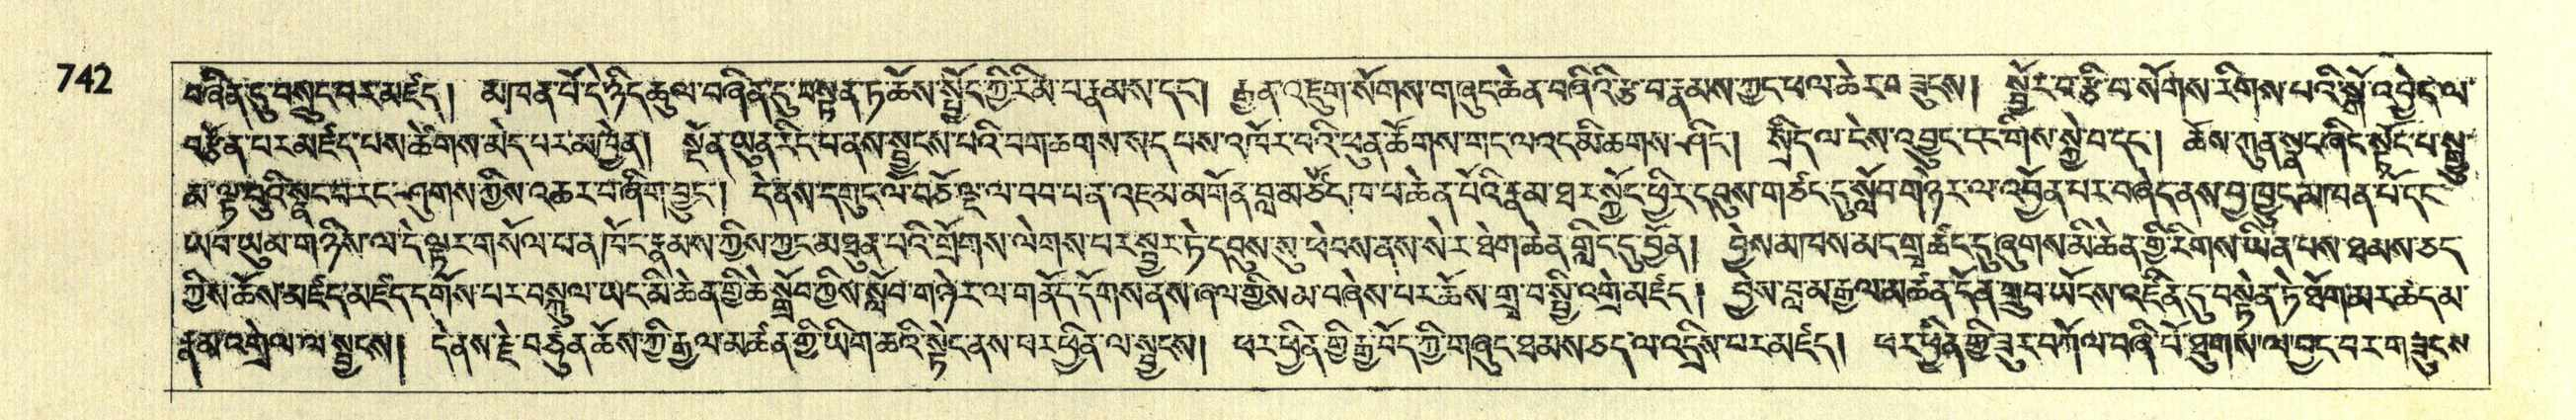བཞིན་དུ་བསྲུང་བར་མཛད། མཁན་པོ་དེ་ཉིད་ཆུལ་བཞིན་དུ་བསྟན་ཏ་ཆོས་སྤྱོད་ཀྱི་རིམ་པ་རྣམས་དང་། རྒྱན་འཇུག་སོགས་གཞུང་ཆེན་བཞིའི་རྩ་བ་རྣམས་ཀྱང་ཕལ་ཆེར་བཟུངས། སྦྱོར་བ་རྩི་བ་སོགས་རིགས་པའི་སྒོ་འབྱེད་ལ་
བརྩོན་པར་མཛད་པས་ཚེགས་མེད་པར་མཁྱེན། སྔོན་ཡུན་རིང་པ་ནས་སྦྱངས་པའི་བག་ཆགས་སད་པས་འཁོར་བའི་ཕུན་ཚོགས་གང་ལའང་མི་ཆགས་ཤིང་། སྲིད་ལ་ངེས་འབྱུང་དང་གིས་སྐྱེ་བ་དང་། ཆོས་ཀུན་སྣང་ཞིང་སྟོང་པ་སྒྱུ་
མ་ལྟ་བུའི་སྣང་བ་རང་ཤུགས་ཀྱིས་འཆར་བ་ཞིག་བྱུང་། དེ་ནས་དགུང་ལོ་བཅོ་ལྔ་ལ་བབ་པ་ན་འཇམ་མགོན་བླ་མ་ཙོང་ཁ་པ་ཆེན་པོའི་རྣམ་ཐར་སྐྱོང་ཕྱིར་དབུས་གཙང་དུ་སློབ་གཉེར་ལ་འབྱོན་པར་བཞེད་ནས་བྱ་ཁྱུད་མཁན་པོ་དང་
ཡབ་ཡུམ་གཉིས་ལ་དེ་ལྟར་གསོལ་པ་ན་ཁོང་རྣམས་ཀྱིས་ཀྱང་མཐུན་པའི་གྲོགས་ལེགས་པར་སྦྱར་ཏེ་དབུས་སུ་ཕེབས་ནས་སེར་ཐེག་ཆེན་གླིང་དུ་བྱོན། བྱེས་མཁས་མང་གྲྭ་ཚང་དུ་ཞུགས་མི་ཆེན་གྱི་རིགས་ཡིན་པས་ཐམས་ཅད་
ཀྱིས་ཆོས་མཛད་མཛད་དགོས་པར་བསྐུལ་ཡང་མི་ཆེན་གྱི་ཆེ་སྒྲོབ་ཀྱིས་སློབ་གཉེར་ལ་གནོད་དོགས་ནས་ཞལ་གྱིས་མ་བཞེས་པར་ཆོས་གྲྭ་བ་སྤྱི་འགྲེ་མཛད། བྱེས་བླ་མ་རྒྱལ་མཚན་དོན་གྲུབ་ཡོངས་འཛིན་དུ་བསྟེན་ཏེ་ཐོག་མར་ཆད་མ་
རྣམ་འགྲེལ་ལ་སྦྱངས། དེ་ནས་རྗེ་བཙུན་ཆོས་ཀྱི་རྒྱལ་མཚན་གྱི་ཡིག་ཆའི་སྟེང་ནས་པར་ཕྱིན་ལ་སྦྱངས། ཕར་ཕྱིན་གྱི་རྒྱ་བོད་ཀྱི་གཞུང་ཐམས་ཅད་ལ་འདྲིས་པར་མཛད། ཕར་ཕྱིན་གྱི་ཟུར་བཀོལ་བཞི་པོ་ཐུགས་ལ་བྱང་བར་གཟུངས་